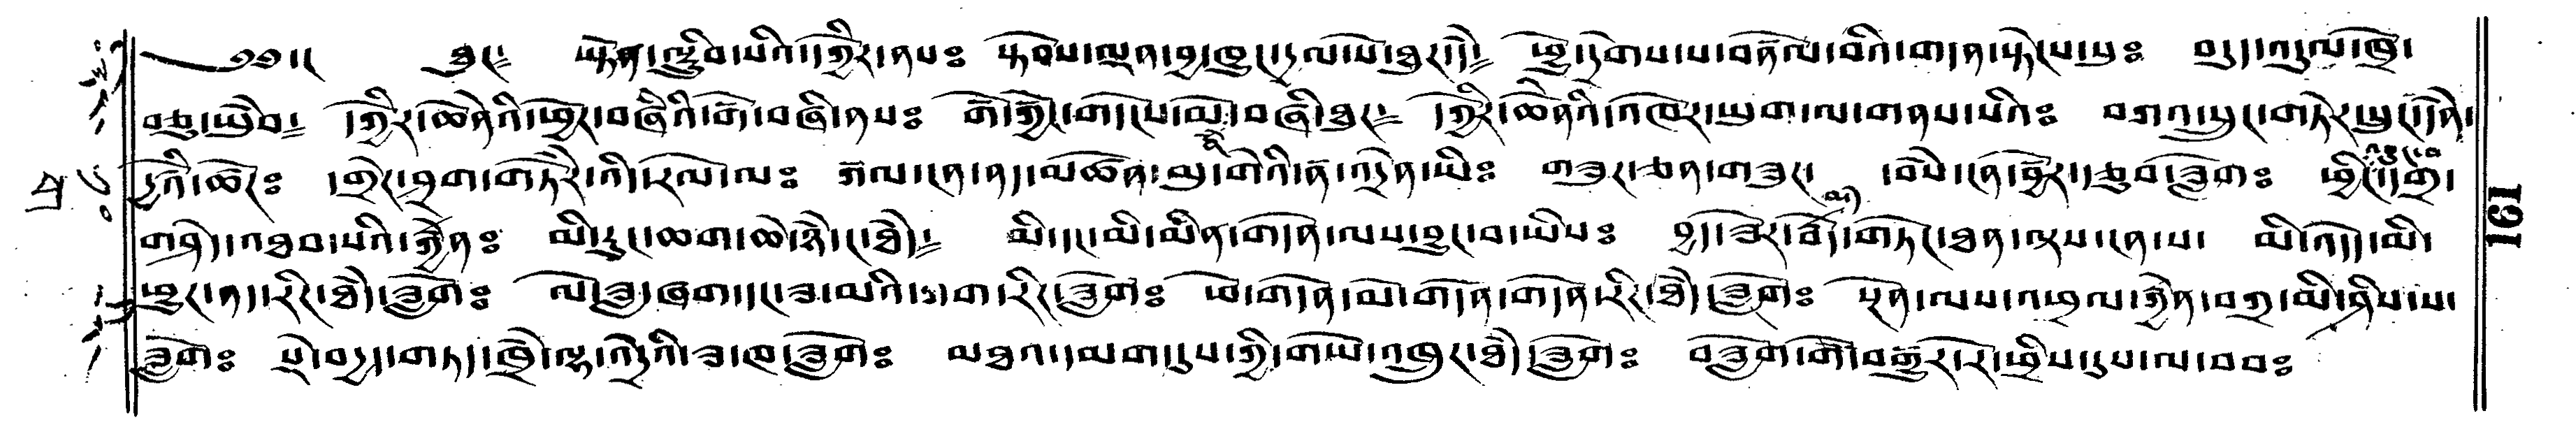བསྐུལ། ཡོན་ཏན་ལྷུན་གྱིས་གྲུབ་པའི་དཀྱིལ་འཁོར་ནས༔ སྟོབས་ལྡན་བྱ་ཁྱུང་རྒྱལ་པོ་ཐུགས་དམ་བསྐུལ། ཕྱོགས་བཅུའི་དྲེགས་པ་བསྣོལ་བའི་གདན་སྟེངས་སུ༔ བདུད་འདུལ་ཁྲོ་
བཅུ་ཡབ་ཡུམ་བསྐུལ། དཀྱིལ་འཁོར་ཆེན་པོའི་ཕྱོགས་བཞིའི་སྒོ་བཞི་ནས༔སྒོ་སྐྱོང་གདོང་མོ་རྣམ་བཞི་ཐུགས༴ དཀྱིལ་འཁོར་ཆེན་པོའི་འཁོར་ཡུག་ལ་གནས་པའི༔ བཀའ་སྲུང་གཏེར་སྲུང་དམ་ཅན་
རྒྱ་མཚོའི་ཚོགས༔ དགྲ་བགེགས་ཤ་ཁྲག་གཏོར་མ་འདི་རོལ་ལ༔ བསྐལ་ངན་ནད་མཚོན་མུ་གེའི་སྣ་འདྲེན་ཡི༔ གཟུགས་ཅན་གཟུགས་མེད་བསམ་ངན་སྦྱོར་རྩུབ་ཟློག༔ ཕྱི་ནང་འབྱུང་བ་དགྲ་
གཤེད་འཐབ་པའི་རྐྱེན༔ མ་རུང་ཆག་ཆེ་ཉམ་ང་ཐམས་ཅད་ཟློག༔ མི་དང་མི་མིན་གདོན་ལས་བྱུང་བ་ཡི༔ བྱད་ཟོར་རྦོད་གཏོང་ཐན་ལྟས་ངན་པ་ཟློག༔ མི་འདོད་མི་
ཕྱུགས་ནད་རིགས་ཐམས་ཅད་ཟློག༔ ལོ་ཟླ་ཞག་དང་ཟ་མའི་ཀག་རིགས་ཟློག༔ ཕོ་གདོན་མོ་གདོན་གདོན་རིགས་ཐམས་ཅད་ཟློག༔ སྔོན་ལས་འཕྲལ་རྐྱེན་བཀྲ་མི་ཤིས་པ་
ཟློག༔ སྡེ་བརྒྱད་གཏད་ཁྲམ་ལྷ་འདྲེའི་ཟ་ཁ་ཟློག༔ མཐའ་དམག་དུས་ཀྱི་གཡོ་འཁྲུགས་ཐམས་ཅད་ཟློག༔ བཟློག་གོ་བསྒྱུར་རོ་ཕྲིན་ལས་དུས་ལ་བབ༔